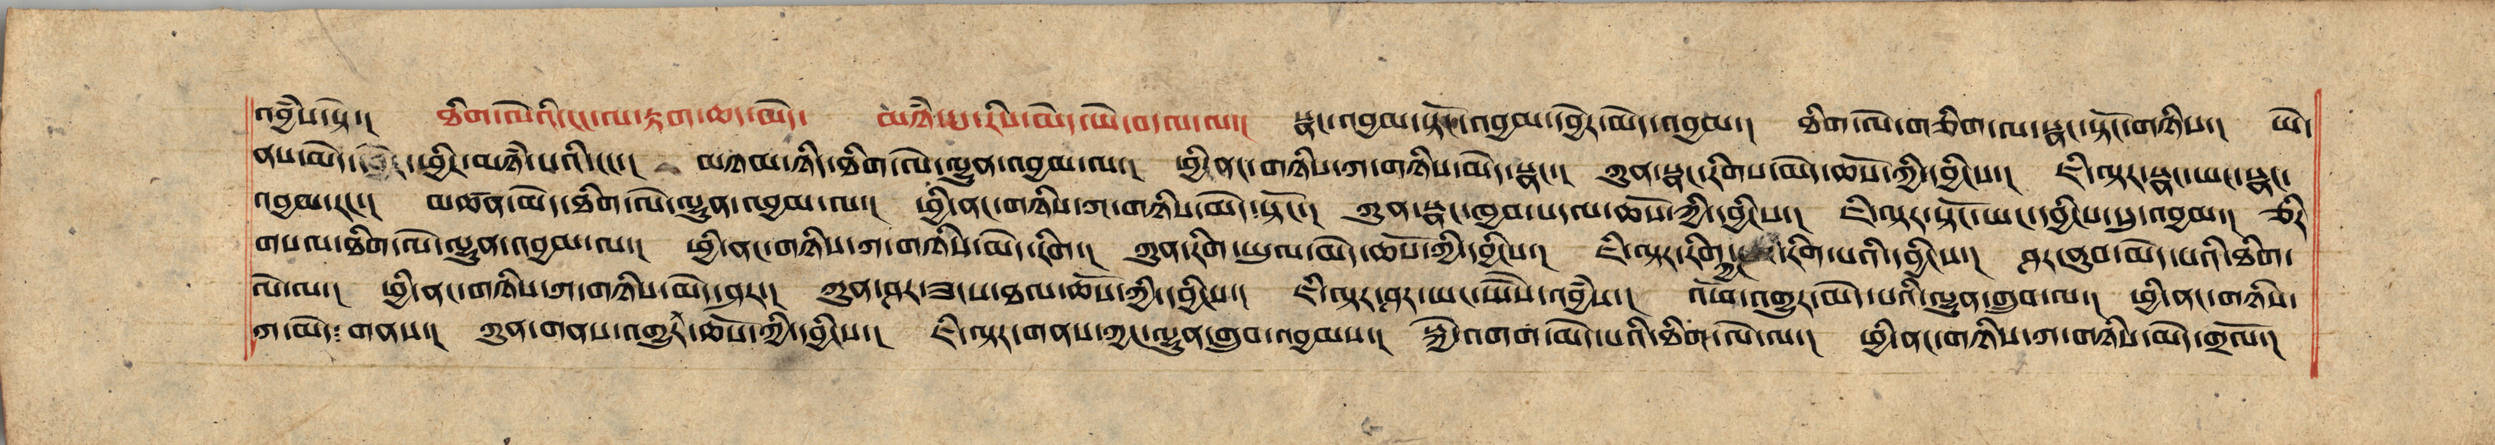འབྱཾས་སྟེ་། ཐིག་ལེའི་ངང་ལ་རྟག་ཆད་མེད་ མཉཾས་པ་རིས་མེད་ཡེ་བདལ་ལ་། སྣང་འབྱམ་སྟོང་འབྱམ་དབྱེར་མེད་འབྱམ་། ཐིག་ལེ་གཅིག་ལ་སྣང་སྟོང་གཉིས་། ཡེ་
ནས་མེད་ཕྱིར་མཉཾ་པའི་ངང་། མཉམ་ཉིད་ཐིག་ལེ་ལྷུན་འབྱམ་ལ་། ཕྱི་ནང་གཉིས་ཀ་གཉིས་མེད་སྣང་། ཀུན་སྣང་རིགས་མེད་ཆོས་ཀྱི་དབྱིངས་། ཇི་ལྟར་སྣང་ཡང་སྣང་
འབྱམ་རང་། མཚན་མེད་ཐིག་ལེ་ལྷུན་འབྱམ་ལ་། ཕྱི་ནང་གཉིས་ཀ་གཉིས་མེད་སྟོང་། ཀུན་སྣང་ཁྱབ་སདལ་ཆོས་ཀྱི་དབྱིངས་། ཇི་ལྟར་སྟོང་ཡང་དབྱིངས་སུ་འབྱམ་། ཅིར་
གསལ་ཐིག་ལེ་ལྷུན་འབྱམ་ལ་། ཕྱི་ནང་གཉིས་ཀ་གཉིས་མེད་རིག་། ཀུན་རིག་ཡུལ་མེད་ཆོས་གྱི་དབྱིངས་། ཇི་ལྟར་རིག་ཀྱང་རིག་པའི་དབྱིངས་། ཤར་ནུབ་མེད་པའི་ཐིག་
ལ་ེལ་། ཕྱི་ནང་གཉིས་ཀ་གཉིས་མེད་ཤར་། ཀུན་ཤར་ཟངས་ཐལ་ཆོས་ཀྱི་དབྱིངས་། ཇི་ལྟར་ཤར་ཡང་ཡཻས་འབྱཾས་། འཕོ་འགྱུར་མེད་པའི་ལྷུན་གྲུབ་ལ་། ཕྱི་ནང་གཉིས་
ཀ་མེད་གནས་། ཀུན་གནས་འགྱུར་ཆོས་ཀྱི་དབྱིངས་། ཇི་ལྟར་གནས་ཀྱང་ལྷུན་གྲུབ་འབྱམས་། སྐྱེ་འགག་མེད་པའི་ཐིག་ལེ་ལ་། ཕྱི་ནང་གཉིས་ཀ་གཉིས་མེད་གྲོལ་།